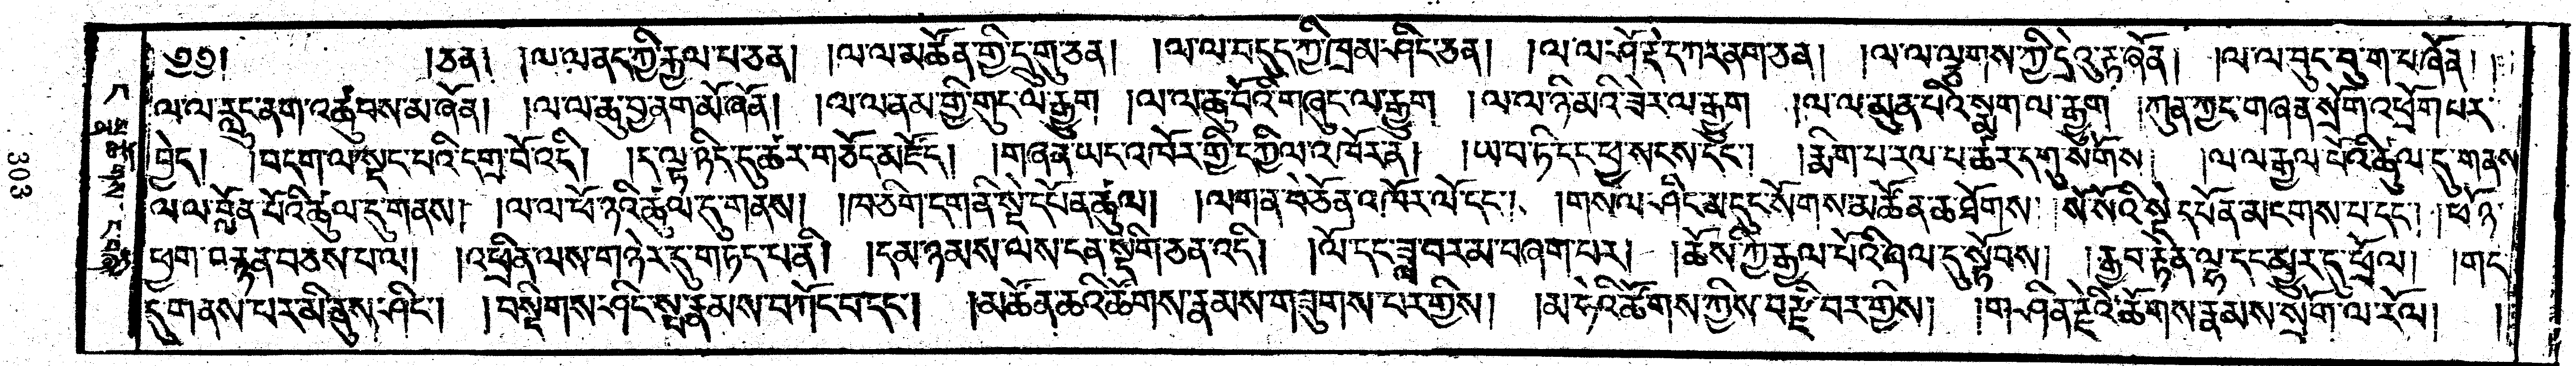༄༅། །ཅན། །ལ་ལ་ནད་ཀྱི་རྐྱལ་པ་ཅན། །ལ་ལ་མཚོན་གྱི་དྲུ་གུ་ཅན། །ལ་ལ་བདུད་ཀྱི་ཁྲམ་ཤིང་ཅན། །ལ་ལ་ཤོ་རྡེ་དཀར་ནག་ཅན། །ལ་ལ་ལྕགས་ཀྱི་དྲེའུ་རྟ་ཞོན། །ལ་ལ་བུང་བུ་ག་པ་ཞོན། །
ལ་ལ་རླུང་ནག་འཚུབས་མ་ཞོན། །ལ་ལ་ཆུ་བྱ་ནག་མོ་ཞོན། །ལ་ལ་ནམ་གྱི་གུང་ལ་རྒྱུག །ལ་ལ་ཆུ་བོའི་གཞུང་ལ་རྒྱུག །ལ་ལ་ཉི་མའི་ཟེར་ལ་རྒྱུག །ལ་ལ་མུན་པའི་སྨག་ལ་རྒྱུག །ཀུན་ཀྱང་གཞན་སྲོག་འཕྲོག་པར་
བྱེད། །བདག་ལ་སྡང་པའི་དགྲ་བོ་འདི། །ད་ལྟ་ཉིད་དུ་ཚར་གཅོད་མཛོད། །གཞན་ཡང་འཁོར་གྱི་དཀྱིལ་འཁོར་ན། །ཡབ་ཏི་དང་ཕྱ་སངས་དང་། །རྨིག་པ་རལ་པ་ཚར་དགུ་སོགས། །ལ་ལ་རྒྱལ་པོའི་ཚུལ་དུ་གནས་
ལ་ལ་བློན་པོའི་ཚུལ་དུ་གནས། །ལ་ལ་ཕོ་ཉའི་ཚུལ་དུ་གནས། །ཁ་ཅིག་དག་ནི་སྡེ་དཔོན་ཚུལ། །ལག་ན་བེ་ཅོན་འཁོར་ལོ་དང་། །གསལ་ཤིང་མདུང་སོགས་མཚོན་ཆ་ཐོགས། །སོ་སོའི་སྡེ་དཔོན་མངགས་པ་དང་། །ཕོ་ཉ་
ཕྱག་བརྙན་བཅས་པ་ལ། །འཕྲིན་ལས་གཉེར་དུ་གཏད་པ་ནི། །དམ་ཉམས་ལས་ངན་སྡིག་ཅན་འདི། །ལོ་དང་ཟླ་བར་མ་བཞག་པར། །ཆོས་ཀྱི་རྒྱལ་པོའི་ཞལ་དུ་སྟོབས། །རྒྱབ་རྟེན་ལྷ་དང་མྱུར་དུ་ཕྲོལ། །གང་
དུ་གནས་པར་མི་ནུས་ཤིང་། །བསྡིགས་ཤིང་སྤ་རྣམས་བཀོད་པ་དང་། །མཚོན་ཆའི་ཚོགས་རྣམས་གཟུགས་པར་གྱིས། །མ་ཧེའི་ཚོགས་ཀྱིས་བརྫི་བར་གྱིས། །གཤིན་རྗེའི་ཆོགས་རྣམས་སྲོག་ལ་རོལ། །